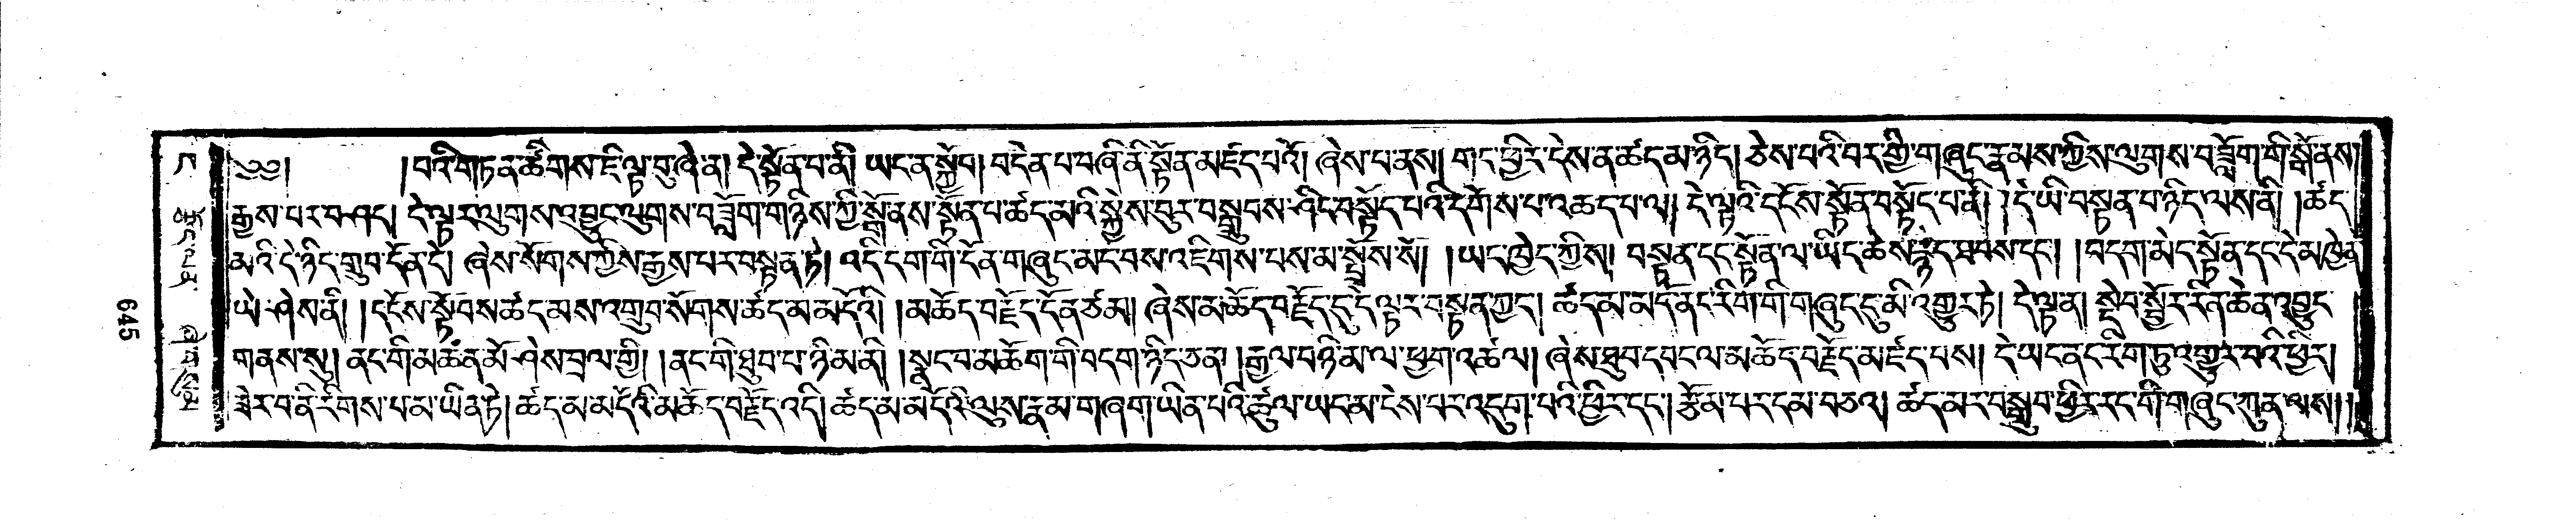༄༅། །པའི་གཏན་ཚིགས་ཇི་ལྟ་བུ་ཞེ་ན། དེ་སྟོན་པ་ནི། ཡང་ན་སྐྱོབ། བདེན་པ་བཞི་ནི་སྟོན་མཛད་པའོ། ཞེས་པ་ནས། གང་ཕྱིར་དེས་ན་ཚད་མ་ཉིད། ཅེས་པའི་བར་གྱི་གཞུང་རྣམས་ཀྱིས་ལུགས་བཟློག་གི་སྒོ་ནས་
རྒྱས་པར་བཤད། དེ་ལྟར་ལུགས་འབྱུང་ལུགས་བཟློག་གཉིས་ཀྱི་སྒོ་ནས་སྟོན་པ་ཚད་མའི་སྐྱེས་བུར་བསྒྲུབས་ཤིང་བསྟོད་པའི་དགོས་པ་འཆད་པ་ལ། དེ་ལྟའི་དངོས་སྟོན་བསྟོད་པ་ནི། །དེ་ཡི་བསྟན་པ་ཉིད་ལས་ནི། །ཚད་
མའི་དེ་ཉིད་གྲུབ་དོན་དུ། ཞེས་སོགས་ཀྱིས་རྒྱས་པར་བསྟན་ཏེ། འདི་དག་གི་དོན་གཞུང་མང་བས་འཇིགས་པས་མ་སྤྲོས་སོ། །ཡང་ཁྱེད་ཀྱིས། བསྟན་དང་སྟོན་ལ་ཡིད་ཆེས་རྙེད་ཐབས་དང་། །བདག་མེད་སྟོན་དང་དེ་མཁྱེན་
ཡེ་ཤེས་ནི། །དངོས་སྟོབས་ཚད་མས་འགྲུབ་སོགས་ཚད་མ་མདོའི། །མཆོད་བརྗོད་དོན་ཙམ། ཞེས་མཆོད་བརྗོད་དུ་དེ་ལྟར་བསྟན་ཀྱང་། ཚད་མ་མདོ་ནང་རིག་གི་གཞུང་དུ་མི་འགྱུར་ཏེ། དེ་ལྟ་ན། སྡེབ་སྦྱོར་རིན་ཆེན་འབྱུང་
གནས་སུ། ནང་གི་མཚན་མོ་ཤེས་བྲལ་གྱི། །ནང་གི་ཐུབ་པ་ཉི་མ་ནི། །སྣང་བ་མཆོག་གི་བདག་ཉིད་ཅན། །རྒྱལ་བ་ཉི་མ་ལ་ཕྱག་འཚལ། ཞེས་ཐུབ་དབང་ལ་མཆོད་བརྗོད་མཛད་པས། དེ་ཡང་ནང་རིག་ཏུ་འགྱུར་བའི་ཕྱིར།
ཟེར་བ་ནི་རིགས་པ་མ་ཡིན་ཏེ། ཚད་མ་མདོའི་མཆོད་བརྗོད་འདི། ཚད་མ་མདོའི་ལུས་རྣམ་གཞག་ཡིན་པའི་ཚུལ་ཡང་མ་ངེས་པར་འདུག་པའི་ཕྱིར་དང་། རྩོམ་པར་དམ་བཅའ། ཚད་མར་བསྒྲུབ་ཕྱིར་རང་གི་གཞུང་ཀུན་ལས།།